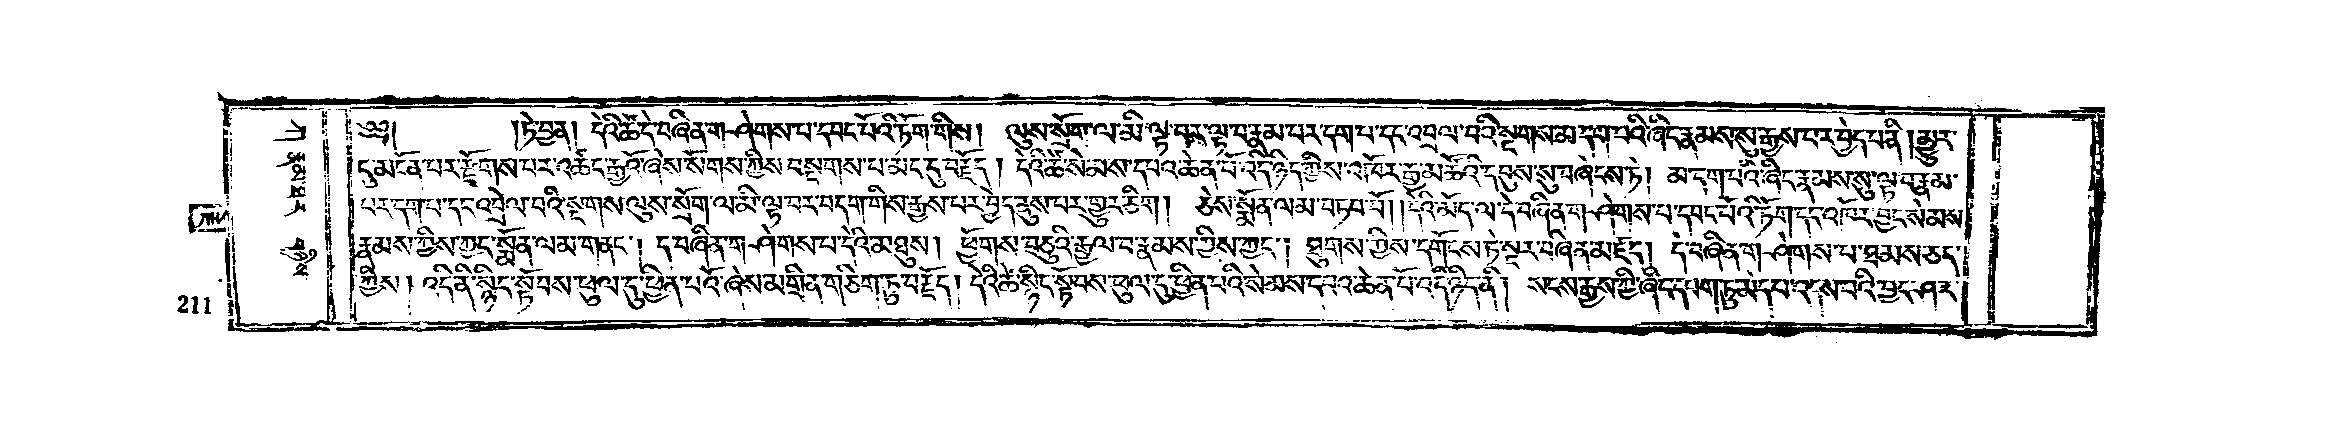༄༅། །ཏེ་བྱ་ན། དེའི་ཚེ་དེ་བཞིན་གཤེགས་པ་དབང་པོའི་ཏོག་གིས། ལུས་སྲོག་ལ་མི་ལྟ་བར་ལྟ་བ་རྣམ་པར་དག་པ་དང་འབྲལ་བའི་སྔགས་མ་དག་པའི་ཞིང་རྣམས་སུ་རྒྱས་པར་བྱེད་པ་ནི། མྱུར་
དུ་མངོན་པར་རྫོགས་པར་འཚང་རྒྱའོ་ཞེས་སོགས་ཀྱིས་བསྔགས་པ་མང་དུ་བརྗོད། དེའི་ཚེ་སེམས་དཔའ་ཆེན་པོ་འདི་ཉིད་ཀྱིས་འཁོར་རྒྱ་མཚོའི་དབུས་སུ་བཞེངས་ཏེ། མ་དག་པའི་ཞིང་རྣམས་སུ་ལྟ་བ་རྣམ་
པར་དག་པ་དང་འབྲེལ་བའི་སྔགས་ལུས་སྲོག་ལ་མི་ལྟ་བར་བདག་གིས་རྒྱས་པར་བྱེད་ནུས་པར་གྱུར་ཅིག །ཅེས་སྨོན་ལམ་བཏབ་བོ། །དེའི་མོད་ལ་དེ་བཞིན་གཤེགས་པ་དབང་པོའི་ཏོག་དང་འཁོར་བྱང་སེམས་
རྣམས་ཀྱིས་ཀྱང་སྨོན་ལམ་གནང་། དེ་བཞིན་གཤེགས་པ་དེའི་མཐུས། ཕྱོགས་བཅུའི་རྒྱལ་བ་རྣམས་ཀྱིས་ཀྱང་། ཐུགས་ཀྱིས་དགོངས་ཏེ་སྔར་བཞིན་མཛད། དེ་བཞིན་གཤེགས་པ་ཐམས་ཅད་
ཀྱིས། འདི་ནི་སྙིང་སྟོབས་ཕུལ་དུ་ཕྱིན་པའོ་ཞེས་མགྲིན་གཅིག་ཏུ་བརྗོད། དེའི་ཚེ་སྙིང་སྟོབས་ཕུལ་དུ་ཕྱིན་པའི་སེམས་དཔའ་ཆེན་པོ་འདི་ཉིད་ནི། སངས་རྒྱས་ཀྱི་ཞིང་དཔག་ཏུ་མེད་པ་འདས་པའི་བྱང་ཤར་